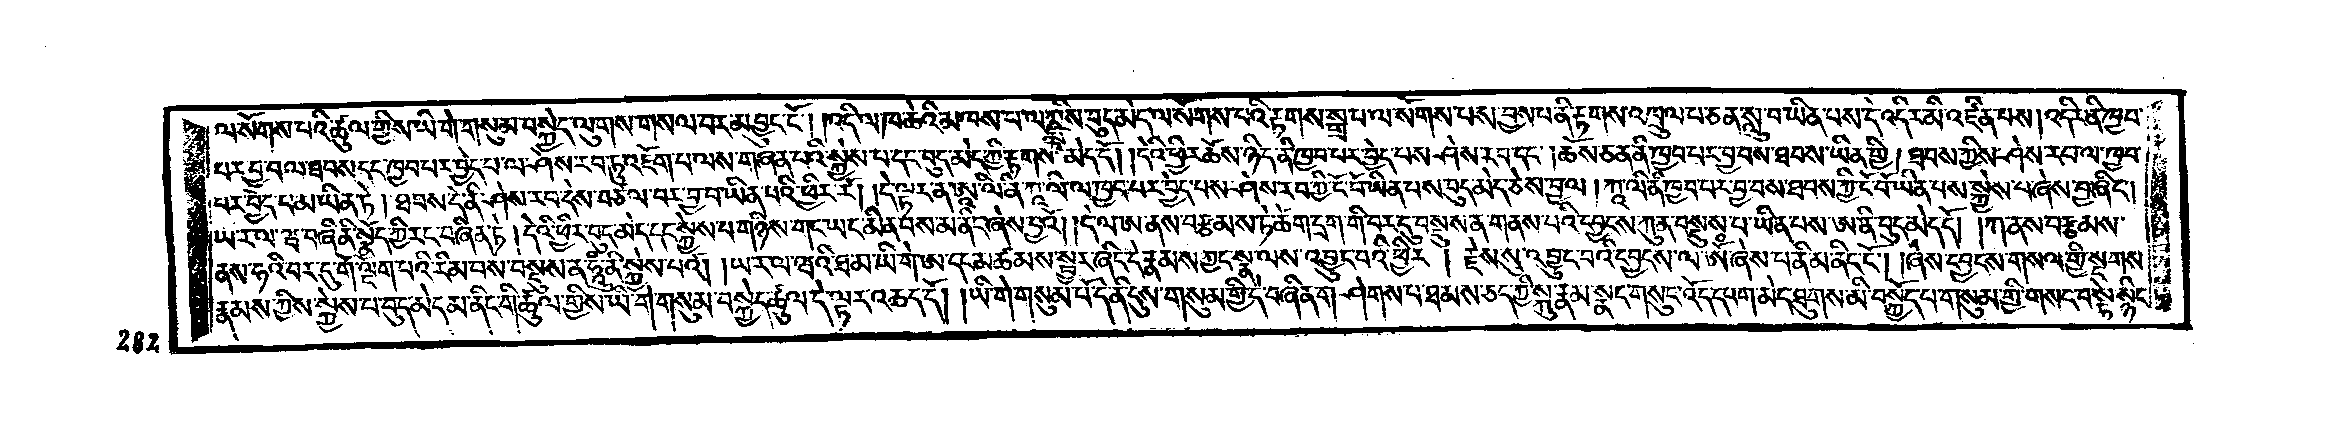ལ་སོགས་པའི་ཚུལ་གྱིས་ཡི་གེ་གསུམ་བསྐྱེད་ལུགས་གསལ་བར་མ་བྱུང་ངོ། །འདི་ལ་ཁ་ཆེའི་མཁས་པ་ལཀྵྨཱིས་བུད་མེད་ལ་སོགས་པའི་རྟགས་སྒྲ་པ་ལ་སོགས་པས་བྱས་པ་ནི་རྟགས་འཁྲུལ་པ་ཅན་སླུ་བ་ཡིན་པས་དེ་འདིར་མི་འཛིན་པས། འདིར་ནི་ཁྱབ་
པར་བྱ་བ་ལ་ཐབས་དང་ཁྱབ་པར་བྱེད་པ་ལ་ཤེས་རབ་ཏུ་འཇོག་པ་ལས་གཞན་པའི་སྐྱེས་པ་དང་བུད་མེད་ཀྱི་རྟགས་མེད་དོ། །དེའི་ཕྱིར་ཆོས་ཉིད་ནི་ཁྱབ་པར་བྱེད་པས་ཤེས་རབ་དང་། ཆོས་ཅན་ནི་ཁྱབ་པར་བྱ་བས་ཐབས་ཡིན་གྱི། ཐབས་ཀྱིས་ཤེས་རབ་ལ་ཁྱབ་
པར་བྱེད་པ་མ་ཡིན་ཏེ། ཐབས་དེ་ནི་ཤེས་རབ་དེས་བཙལ་བར་བྱ་བ་ཡིན་པའི་ཕྱིར་རོ། །དེ་ལྟར་ན་ཨཱ་ལི་ནི་ཀཱ་ལི་ལ་ཁྱབ་པར་བྱེད་པས་ཤེས་རབ་ཀྱི་ངོ་བོ་ཡིན་པས་བུད་མེད་ཅེས་བྱ་ལ། ཀཱ་ལི་ནི་ཁྱབ་པར་བྱ་བས་ཐབས་ཀྱི་ངོ་བོ་ཡིན་པས་སྐྱེས་པ་ཞེས་བྱ་ཞིང་།
ཡ་ར་ལ་ཝ་བཞི་ནི་སྣོད་ཀྱི་རང་བཞིན་ཏེ། དེའི་ཕྱིར་བུད་མེད་དང་སྐྱེས་པ་གཉིས་གང་ཡང་མིན་པས་མ་ནིང་ཞེས་བྱའོ། །དེ་ལ་ད་ནས་བརྩམས་ཏེ་ཚེག་དྲག་གི་བར་དུ་བསྡུས་ན་གནས་པའི་དབྱངས་ཀུན་བསྡུས་པ་ཡིན་པས་ཨ་ནི་བུད་མེད་དོ། །ཀ་ནས་བརྩམས་
ནས་ཧའི་བར་དུ་གོ་ལྡོག་པའི་རིམ་པས་བསྡུས་ན་ཧཱུཾ་ནི་སྐྱེས་པའོ། །ཡ་ར་ལ་ཝའི་ཐ་མ་ཡི་གེ་ཨ་དང་མཚམས་སྦྱར་ཞིང་དེ་རྣམས་ཀྱང་སྣ་ལས་འབྱུང་བའི་ཕྱིར། རྗེས་སུ་འབྱུང་བའི་དབྱངས་ལ་ཨོཾ་ཞེས་པ་ནི་མ་ནིང་ངོ། །ཞེས་དབྱངས་གསལ་གྱི་སྔགས་
རྣམས་ཀྱིས་སྐྱེས་པ་བུད་མེད་མ་ནིང་གི་ཚུལ་གྱིས་ཡི་གེ་གསུམ་བསྐྱེད་ཚུལ་དེ་ལྟར་འཆད་དོ། །ཡི་གེ་གསུམ་པོ་དེ་ནི་དུས་གསུམ་གྱི་དེ་བཞིན་གཤེགས་པ་ཐམས་ཅད་ཀྱི་སྐུ་རྣམ་སྣང་གསུང་འོད་དཔག་མེད་ཐུགས་མི་བསྐྱོད་པ་གསུམ་གྱི་གསང་བ་སྟེ་སྙིང་